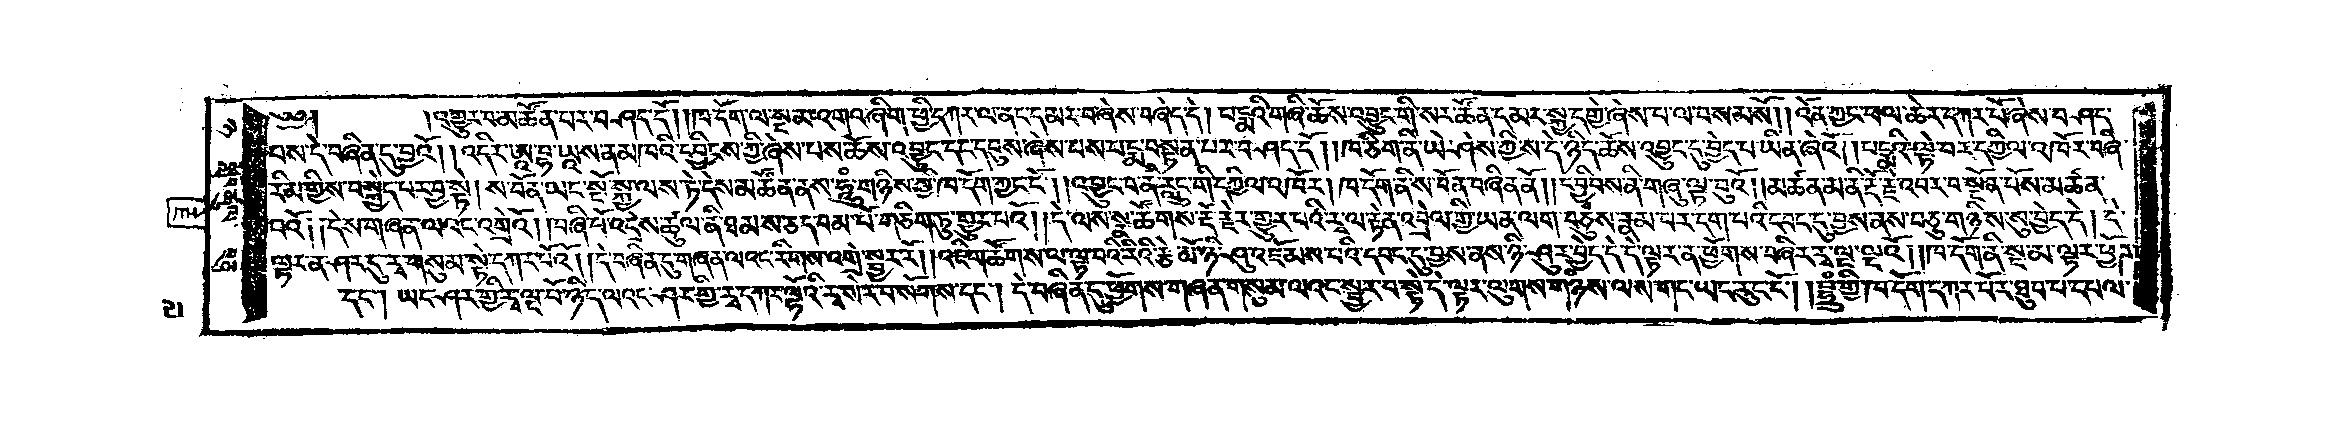༄༅། །འགྱུར་བ་མཚོན་པར་བཤད་དོ། །ཁ་དོག་ལ་སྔ་མ་འགའ་ཞིག་ཕྱི་དཀར་ལ་ནང་དམར་བ་ཞེས་བཞེད་དེ། པདམའི་གཞི་ཆོས་འབྱུང་གི་སར་ཚོན་དམར་སྐྱ་དགྱེ་ཞེས་པ་ལ་བསམས་སོ། །འོན་ཀྱང་ཕལ་ཆེར་དཀར་པོ་ཞེས་བཤད་
པས་དེ་བཞིན་དུ་བྱའོ། །འདིར་ཨཱ་བྷ་ཡཱས་ནམ་མཁའི་དབྱིངས་ཀྱི་ཞེས་པས་ཆོས་འབྱུང་དང་དབུས་ཞེས་པས་པདམ་བསྟན་པར་བཤད་དོ། །ཁ་ཅིག་ནི་ཡེ་ཤེས་ཀྱིས་དེ་ཉིད་ཆོས་འབྱུང་དུ་བྱེད་པ་ཡིན་ཞེའོ། །པདམའི་ལྟེ་བར་དཀྱིལ་འཁོར་བཞི་
རིམ་གྱིས་བསྐྱེད་པར་བྱ་སྟེ། ས་བོན་ཡང་སྔོ་སྐྱ་ལས་ཏེ་དེས་མཚོན་ནས་ཧཱུཾ་གཉིས་ཀྱི་ཁ་དོག་ཀྱང་ངོ། །འབྱུང་བ་ནི་རླུང་གི་དཀྱིལ་འཁོར། ཁ་དོག་ནི་ས་བོན་བཞིན་ནོ། །དབྱིབས་ནི་གཞུ་ལྟ་བུའོ། །མཚན་མ་ནི་རྡོ་རྗེ་འབར་བ་སྔོན་པོས་མཚན་
པའོ། །དེས་གཞན་ལའང་འགྲེའོ། །བཞི་པོ་འདྲེས་ཚུལ་ནི་ཐམས་ཅད་བམ་པོ་གཅིག་ཏུ་གྱུར་པའོ། །དེ་ལས་སྣ་ཚོགས་རྡོ་རྗེར་གྱུར་པའི་རྭ་ལ་རྟེན་འབྲེལ་གྱི་ཡན་ལག་བཅུ་གཉིས་རྣམ་པར་དག་པའི་དབང་དུ་བྱས་ནས་བཅུ་གཉིས་སུ་བྱེད་དེ། དེ་
ལྟར་ན་ཤར་དུ་རྭ་གསུམ་སྟེ་དཀར་པོའོ། །དེ་བཞིན་དུ་གཞན་ལའང་རིགས་འགྲེ་སྦྱར་རོ། །འཇིག་ཚོགས་ལ་ལྟ་བའི་རིའི་རྩེ་མོ་ཉི་ཤུ་འཇོམས་པའི་དབང་དུ་བྱས་ནས་ཉི་ཤུར་བྱེད་དེ་དེ་ལྟར་ན་ཕྱོགས་བཞིར་རྭ་ལྔ་ལྔའོ། །ཁ་དོག་ནི་སྔ་མ་ལྟར་ཕྱོགས་
དང་། ཡང་ཤར་གྱི་རྭ་ལྔ་པོ་ཉིད་ལའང་ཤར་གྱི་རྭ་དཀར་ལྷོའི་རྭ་སེར་བ་སོགས་དང་། དེ་བཞིན་དུ་ཕྱོགས་གཞན་གསུམ་ལའང་སྦྱར་བ་སྟེ་དེ་ལྟར་ལུགས་གཉིས་ལས་གང་ཡང་རུང་ངོ། །བྷཱུཾ་གྱི་ཁ་དོག་དཀར་པོར་ཐུབ་པ་དཔལ་